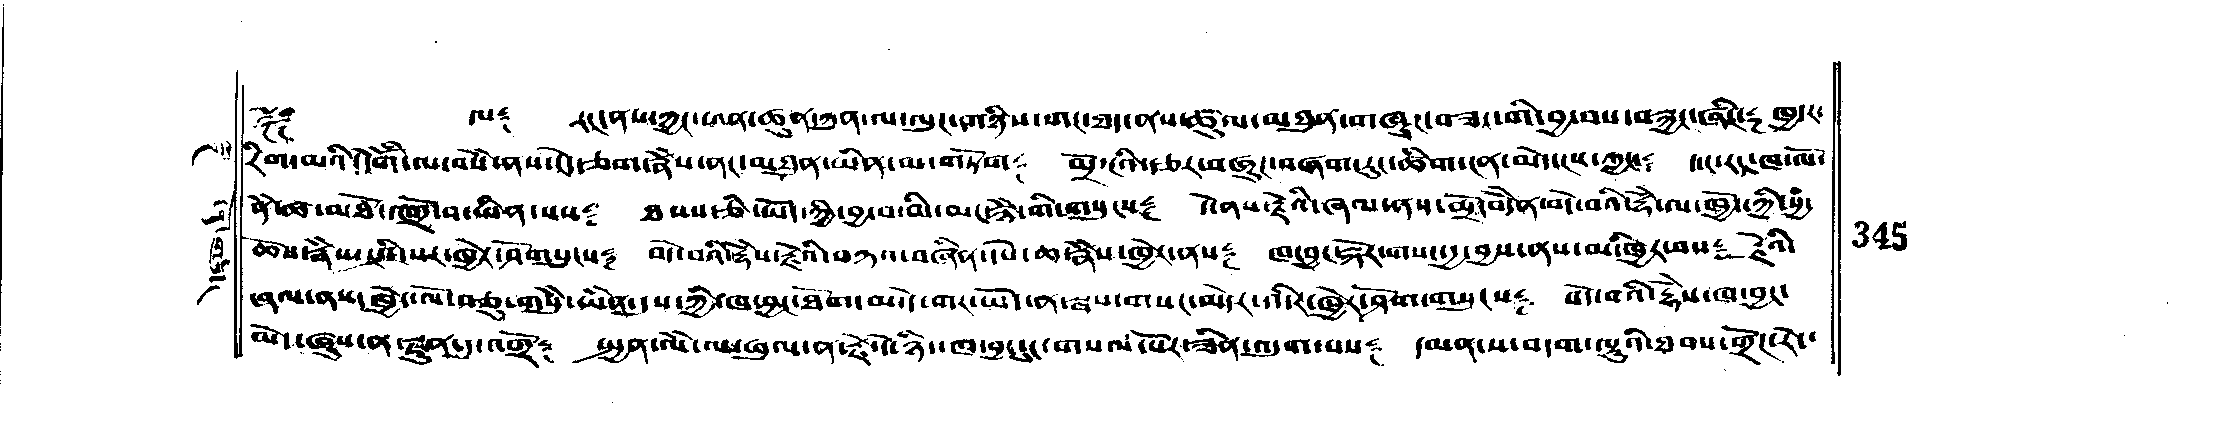ལ། རང་ནས་ཀྱང་ཕན་ཚུན་ཀུན་ལ་ལུགས་གཉིས་གང་ཐད་ནས་ཚུལ་མཐུན་གཞུང་བཟང་གི་བྱ་བས་བསྐྱང་ཞིང་།ཁྱད་པར་
རིག་མའི་དམ་ཚིག་ལ་བསམ་ནས་ངེད་ཅག་རྣམས་ནང་མཐུན་ཡིན་མ་གཏོགས། མཁའ་འགྲོ་ངའི་རྩར་བཞུགས་བཞག་རུང་ཚིག་ངན་མེད་ངེས་ཀྱང་། ད་ང་རང་ཁ་ལོ་
ན་ཚ་མཐོ་འགྲོ་བ་ཡིན་པས། ཐབས་ཅི་ཡོད་ཀྱི་བྱ་བ་མི་མང་སྙམ་གི་གསུངས། དེ་ནས་རྗེའི་ཞལ་ནས་མཁའ་འགྲོ་བདེ་ཆེན་བདེ་བའི་རྡོ་རྗེ་ལ་ཁྱོད་ཀྱི་གསུང་
ཆོས་རྣམས་ངའི་སར་ཁྱེར་ཤོག་གསུངས། བདེ་བའི་རྡོ་རྗེས་རྗེའི་བཀའ་བཞིན་དཔེ་ཆ་རྣམས་ཁྱེར་ནས། ཁ་བྱང་སྐོར་གསང་རྒྱ་བྱས་ནས་མ་ཁྱེར་བས། རྗེའི་
ཞལ་ནས་ཁྱོད་ལོ་བཅུ་གསུམ་ཡིན་དུས་ཀྱི་ཁ་བྱང་ཐོག་མ་དེ་གར་ཡོད་ན་སྦས་གསང་མེད་པར་འདིར་ཁྱེར་ཤོག་གསུངས། བདེ་བའི་རྡོ་རྗེས་ཁ་བྱང་
མེད་ཞུས་ན་རྫུན་དུ་འགྲོ། སྤྱན་ལམ་ལ་ཕུལ་ན་རྗེ་དེ་ཉིད་ཁ་བྱང་དུ་ང་གསལ་པོར་ཟིན་འདུག་པས། དམན་པ་བདག་ལྟ་བུའི་ཐབས་གྲོགས་རེད་